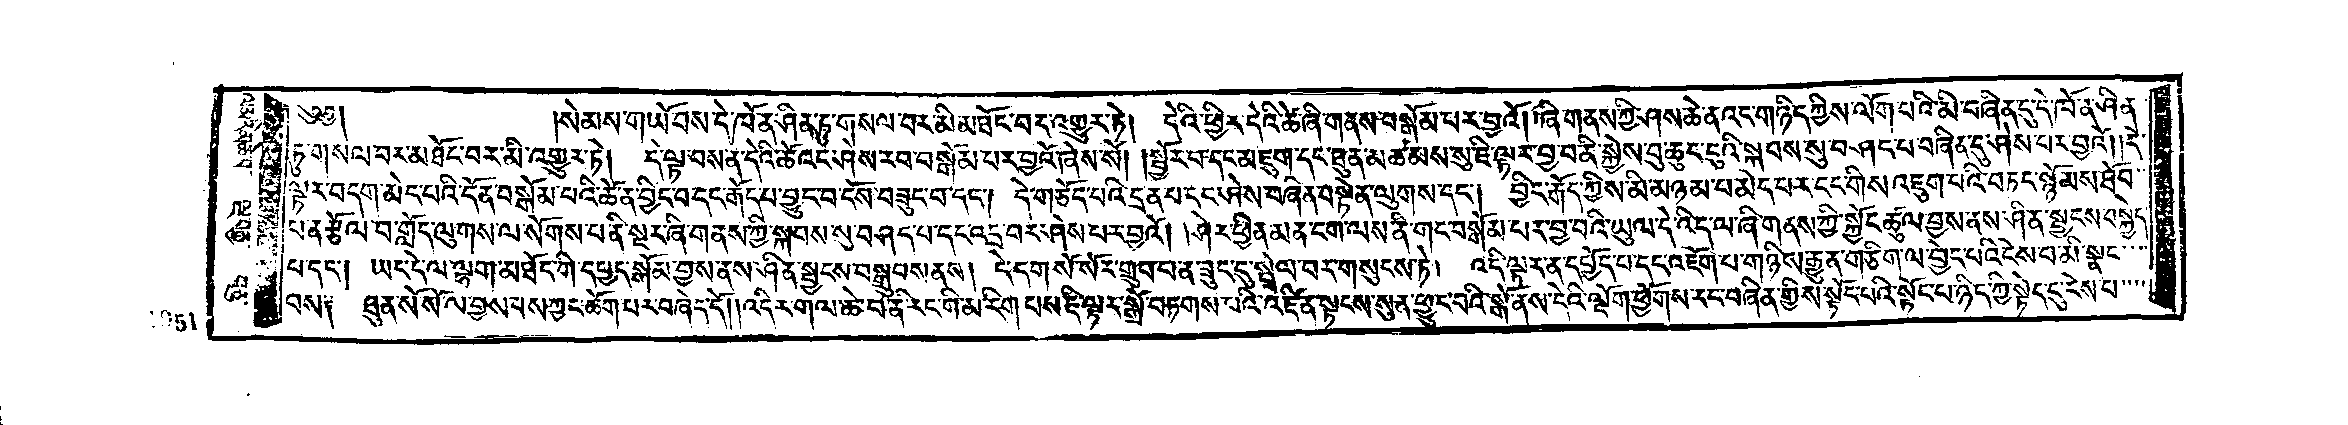༄༅། །སེམས་གཡོ་བས་དེ་ཁོ་ན་ཤིན་ཏུ་གསལ་བར་མི་མཐོང་བར་འགྱུར་ཏེ། དེའི་ཕྱིར་དེའི་ཚེ་ཞི་གནས་བསྒོམ་པར་བྱའོ། །ཞི་གནས་ཀྱི་ཤས་ཆེ་ནའང་གཉིད་ཀྱིས་ལོག་པའི་མི་བཞིན་དུ་དེ་ཁོ་ན་ཤིན་
ཏུ་གསལ་བར་མཐོང་བར་མི་འགྱུར་ཏེ། དེ་ལྟ་བས་ན་དེའི་ཚེའང་ཤེས་རབ་བསྒོམ་པར་བྱའོ་ཞེས་སོ། །སྦྱོར་བ་དང་མཇུག་དང་ཐུན་མཚམས་སུ་ཇི་ལྟར་བྱ་བ་ནི་སྐྱེས་བུ་ཆུང་ངུའི་སྐབས་སུ་བཤད་པ་བཞིན་དུ་ཤེས་པར་བྱའོ། །དེ་
ལྟར་བདག་མེད་པའི་དོན་བསྒོམ་པའི་ཚེ་ན་བྱིང་བ་དང་རྒོད་པ་བྱུང་བ་ངོས་བཟུང་བ་དང་། དེ་གཅོད་པའི་དྲན་པ་དང་ཤེས་བཞིན་བསྟེན་ལུགས་དང་། བྱིང་རྒོད་ཀྱིས་མི་མཉམ་པ་མེད་པར་ངང་གིས་འཇུག་པའི་བཏང་སྙོམས་ཐོབ་
པ་ན་རྩོལ་བ་གློད་ལུགས་ལ་སོགས་པ་ནི་སྔར་ཞི་གནས་ཀྱི་སྐབས་སུ་བཤད་པ་དང་འདྲ་བར་ཤེས་པར་བྱའོ། །ཤེར་ཕྱིན་མན་ངག་ལས་ནི་གང་བསྒོམ་པར་བྱ་བའི་ཡུལ་དེ་ཉིད་ལ་ཞི་གནས་ཀྱི་སྐྱོང་ཚུལ་བྱས་ནས་ཤིན་སྦྱངས་བསྐྱེད་
པ་དང་། ཡང་དེ་ལ་ལྷག་མཐོང་གི་དཔྱད་སྒོམ་བྱས་ནས་ཤིན་སྦྱངས་བསྒྲུབས་ནས། དེ་དག་སོ་སོར་གྲུབ་པ་ན་ཟུང་དུ་སྦྲེལ་བར་གསུངས་ཏེ། འདི་ལྟར་ན་དཔྱོད་པ་དང་འཇོག་པ་གཉིས་རྒྱུན་གཅིག་ལ་བྱེད་པའི་ངེས་པ་མི་སྣང་
བས༑ ཐུན་སོ་སོ་ལ་བྱས་པས་ཀྱང་ཆོག་པར་བཞེད་དོ། །འདིར་གལ་ཆེ་བ་ནི་རང་གི་མ་རིག་པས་ཇི་ལྟར་སྒྲོ་བཏགས་པའི་འཛིན་སྟངས་སུན་ཕྱུང་བའི་སྒོ་ནས་དེའི་ལྡོག་ཕྱོགས་རང་བཞིན་གྱིས་སྟོང་པའི་སྟོང་པ་ཉིད་ཀྱི་སྟེང་དུ་ངེས་པ་